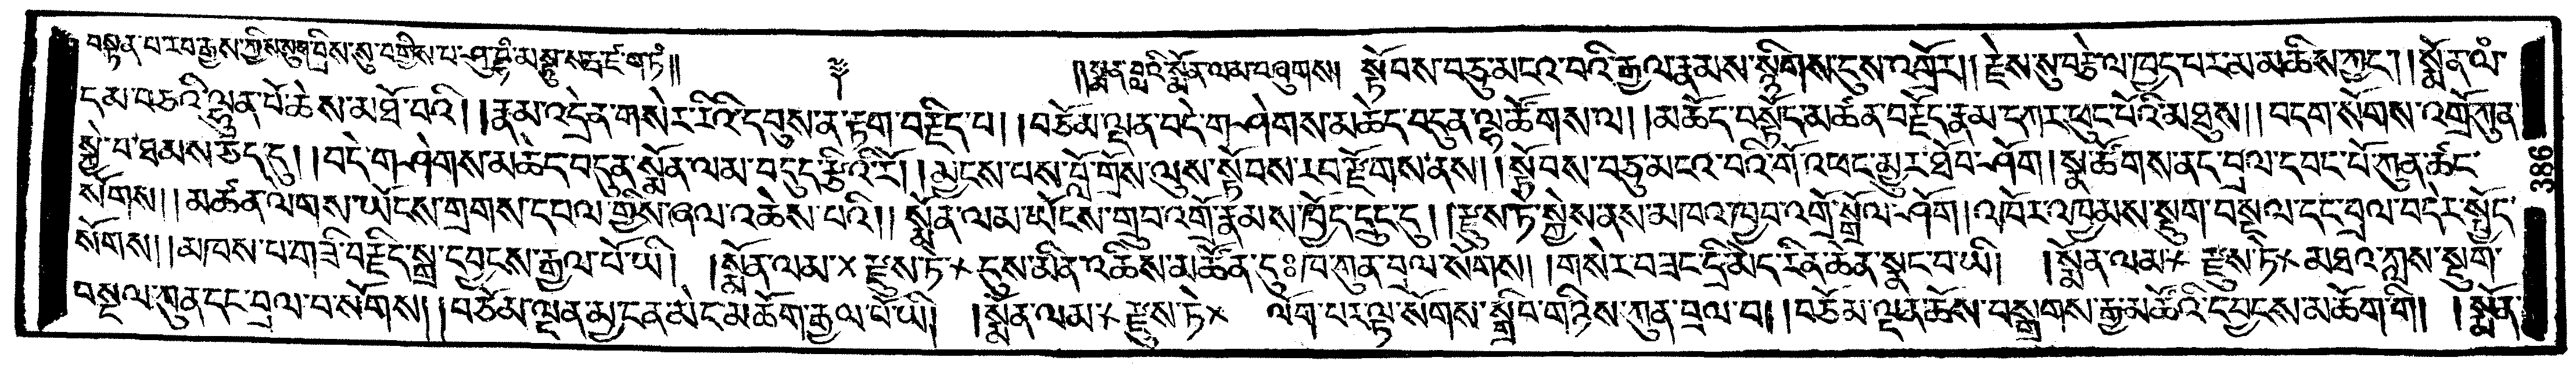བསྟན་པ་རབ་རྒྱས་ཀྱིས་སུག་བྲིས་སུ་བགྱིས་པ་ཤུ་བྷཾ་མསྟུ་སརྦ་ཛ་ག་ཏཾ།། འ་།།སྨན་བླའི་སྨོན་ལམ་བཞུགས། སྟོབས་བཅུ་མངའ་བའི་རྒྱལ་རྣམས་སྙིགས་དུས་འགྲོར། །རྗེས་སུ་བརྩེ་ལ་ཁྱད་པར་མ་མཆིས་ཀྱང་། །སྨོན་ལཾ་
དམ་བཅའི་ལྷུན་པོ་ཆེས་མཐོ་བའི། །རྣམ་འདྲེན་གསེར་རིའི་དབུས་ན་རྟག་བརྗིད་པ། །བཅོམ་ལྡན་བདེ་གཤེགས་མཆེད་བདུན་ལྷ་ཚོགས་ལ། །མཆོད་བསྟོད་མཚན་བརྗོད་རྣམ་དཀར་ཕུང་པོའི་མཐུས། །བདག་སོགས་འགྲོ་ཀུན་
སྐྱེ་པ་ཐམས་ཅད་དུ། །བདེ་གཤེགས་མཆེད་བདུན་སྨོན་ལམ་བདུད་རྩིའི་རོ། །མྱངས་པས་བློ་གྲོས་ལུས་སྟོབས་རབ་རྫོགས་ནས། །སྟོབས་བཅུ་མངའ་བའི་གོ་འཕང་མྱུར་ཐོབ་ཤོག །སྣ་ཚོགས་ནད་བྲལ་དབང་པོ་ཀུན་ཚང་
སོགས། །མཚན་ལེགས་ཡོངས་གྲགས་དཔལ་གྱིས་ཞལ་འཆེས་པའི། །སྨོན་ལམ་ཡོངས་གྲུབ་འགྲོ་རྣམས་ཁྱོད་དྲུང་དུ། །རྫུས་ཏེ་སྐྱེས་ནས་མཁའ་ཁྱབ་འགྲོ་སྒྲོལ་ཤོག །འཁོར་འཁྱམས་སྡུག་བསྔལ་དང་བྲལ་བདེར་སྤྱོད་
སོགས། །མཁས་པ་གཟི་བརྗིད་སྒྲ་དབྱངས་རྒྱལ་པོ་ཡི། །སྨོན་ལམ་{྾}་རྫུས་ཏེ་{྾}་དུས་མིན་འཆིས་མཚོན་དུཿ ཁ་ཀུན་བྲལ་སོགས། །གསེར་བཟང་དྲི་མེད་རིན་ཆེན་སྣང་བ་ཡི། །སྨོན་ལམ་{྾}་རྫུས་ཏེ་{྾}་མཐའ་ཀླས་སྡུག་
བསྔལ་ཀུན་དང་བྲལ་བ་སོགས། །བཅོམ་ལྡན་མྱ་ངན་མེད་མཆོག་རྒྱལ་པོ་ཡི། །སྨོན་ལམ་{྾}་རྫུས་ཏེ་{྾}་ལོག་པར་ལྟ་སོགས་སྒྲིབ་གཉིས་ཀུན་བྲལ་བ། །བཅོམ་ལྡན་ཆོས་བསྒྲགས་རྒྱ་མཚོའི་དབྱངས་མཆོག་གི། །སྨོན་